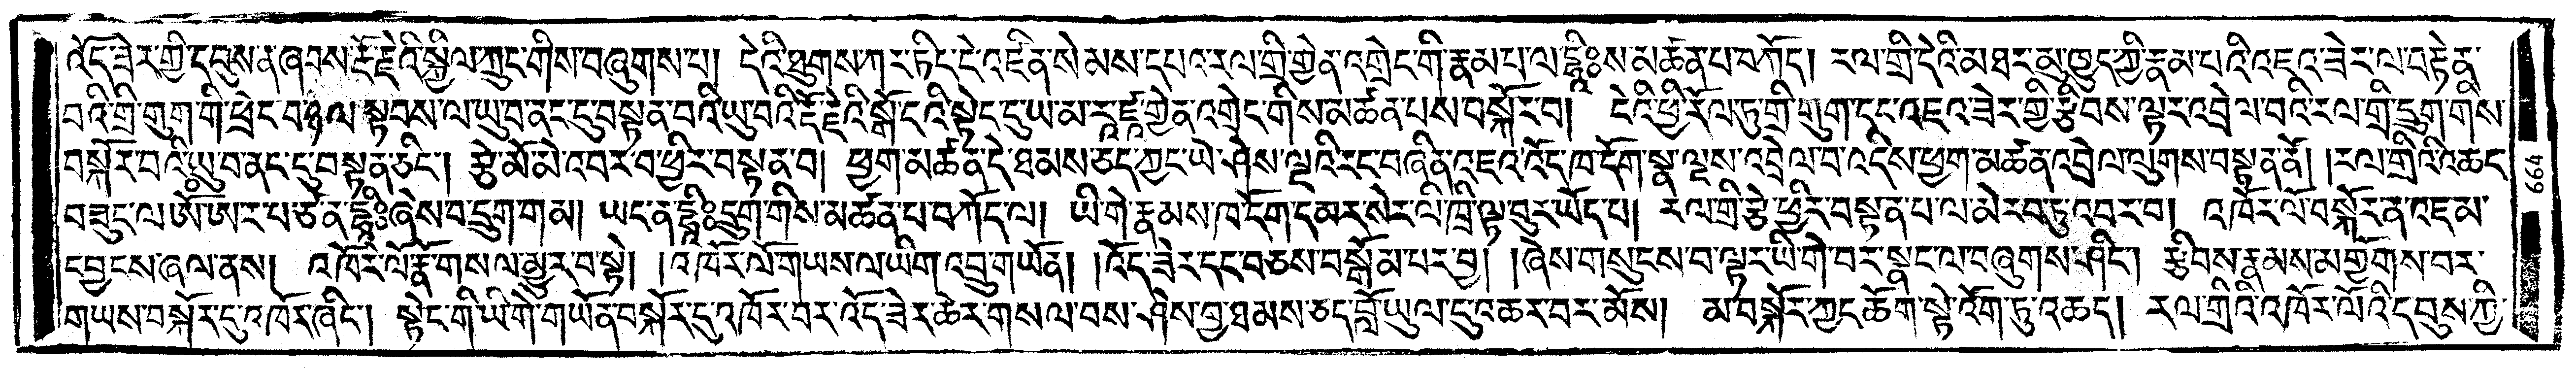འོད་ཟེར་གྱི་དབུས་ན་ཞབས་རྡོ་རྗེའི་སྐྱིལ་ཀྲུང་གིས་བཞུགས་པ། དེའི་ཐུགས་ཀར་ཏིང་ངེ་འཛིན་སེམས་དཔའ་རལ་གྲི་གྱེན་འགྲེང་གི་རྣམ་པ་ལ་དྷཱིཿས་མཚན་པ་བཀོད། རལ་གྲི་དེའི་མཐར་མ་ཁྱུད་ཀྱི་རྣམ་པའི་འཇའ་ཟེར་ལ་བརྟེན་
བའི་གྲི་གུག་གི་ཕྲེང་བ་ཉལ་སྟབས་ལ་ཡུ་བ་ནང་དུ་བསྟན་བའི་ཡུ་བའི་རྡོ་རྗེའི་སྒོ་ངའི་སྟེང་དུ་ཡ་མ་རཱ་ཛཱ་གྱེན་འགྲེང་གིས་མཚན་པས་བསྐོར་བ། དེའི་ཕྱི་རོལ་ཏུ་གྲི་གུག་དང་འཇའ་ཟེར་གྱི་རྩིབས་ལྟར་འབྲེལ་བའི་རལ་གྲི་དྲུག་གིས་
བསྐོར་བའི་ཡུ་བ་ནང་དུ་བསྟན་ཅིང་། རྩེ་མོ་མེ་འབར་བ་ཕྱིར་བསྟན་བ། ཕྱག་མཚན་དེ་ཐམས་ཅད་ཀྱང་ཡེ་ཤེས་ལྔའི་རང་བཞིན་འཇའ་འོད་ཁ་དོག་སྣ་ལྔས་འབྲེལ་བ་འདིས་ཕྱག་མཚན་འབྲེལ་ལུགས་བསྟན་ནོ། །རལ་གྲིའི་འཆང་
བཟུང་ལ་ཨོཾ་ཨ་ར་པ་ཙ་ན་དྷཱིཿཞེས་པ་དྲུག་གམ། ཡང་ན་དྷཱིཿདྲུག་གིས་མཚན་པ་བཀོད་ལ། ཡི་གེ་རྣམས་ཁ་དོག་དམར་སེར་ལི་ཁྲི་ལྟ་བུར་ཡོད་པ། རལ་གྲི་རྩེ་ཕྱིར་བསྟན་པ་ལ་མེ་རབ་ཏུ་འབར་བ། འཁོར་ལོ་བསྐོར་ན་འཇམ་
དབྱངས་ཞལ་ནས། འཁོར་ལོ་རྣོ་གསལ་མྱུར་བ་སྟེ། །འཁོར་ལོ་གཡས་ལ་ཡིག་འབྲུ་གཡོན། །འོད་ཟེར་དང་བཅས་བསྒོམ་པར་བྱ། །ཞེས་གསུངས་བ་ལྟར་ཡི་གེ་བར་སྣང་ལ་བཞུགས་ཤིང་། རྩིབས་རྣམས་མགྱོགས་བར་
གཡས་བསྐོར་དུ་འཁོར་ཞིང་། སྟེང་གི་ཡི་གེ་གཡོན་བསྐོར་དུ་འཁོར་བར་འོད་ཟེར་ཆེར་གསལ་བས་ཤེས་བྱ་ཐམས་ཅད་བློ་ཡུལ་དུ་འཆར་བར་མོས། མ་བསྐོར་ཀྱང་ཆོག་སྟེ་འོག་ཏུ་འཆད། རལ་གྲིའི་འཁོར་ལོའི་དབུས་ཀྱི་